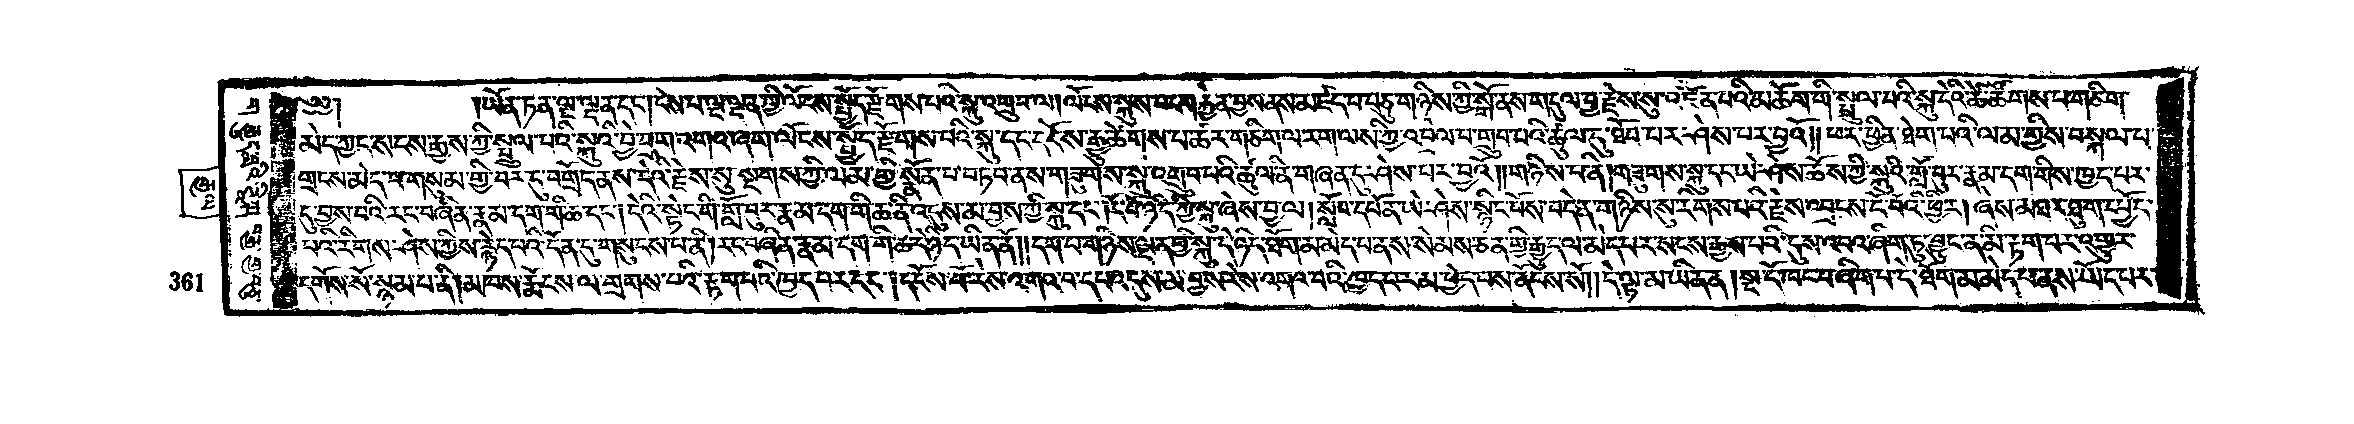༄༅། །ཡོན་ཏན་ལྔ་ལྡན་དང་། ངེས་པ་ལྔ་ལྡན་གྱི་ལོངས་སྤྱོད་རྫོགས་པའི་སྐུ་འགྲུབ་ལ། ལོངས་སྐུས་བདག་རྐྱེན་བྱས་ནས་མཛད་པ་བཅུ་གཉིས་ཀྱི་སྒོ་ནས་གདུལ་བྱ་རྗེས་སུ་འཛིན་པའི་མཆོག་གི་སྤྲུལ་པའི་སྐུ་དེའི་ཚེ་ཚོགས་པ་གཅིག་
མེད་ཀྱང་སངས་རྒྱས་ཀྱི་སྤྲུལ་པའི་སྐུའི་བྱེ་བྲག་འགའ་ཞག་ལོངས་སྤྱོད་རྫོགས་པའི་སྐུ་དང་དངོས་རྒྱུ་ཚེགས་པ་ཚར་གཅིག་ལ་རག་ལས་ཀྱི་འབྲེལ་བ་གྲུབ་པའི་ཚུལ་དུ་ཐོབ་པར་ཤེས་པར་བྱའོ། །ཕར་ཕྱིན་ཐེག་པའི་ལམ་གྱིས་བསྐལ་པ་
གྲངས་མེད་པ་གསུམ་གྱི་བར་དུ་བགྲོད་ནས་དེའི་རྗེས་སུ་སྔགས་ཀྱི་ལམ་གྱི་སྣོན་པ་བཏབ་ནས་གཟུགས་སྐུ་འགྲུབ་པའི་ཚུལ་ནི་གཞན་དུ་ཤེས་པར་བྱའོ། །གཉིས་པ་ནི། གཟུགས་སྐུ་དང་ཡེ་ཤེས་ཆོས་ཀྱི་སྐུའི་གློ་བུར་རྣམ་དག་གིས་ཁྱད་པར་
དུ་བྱས་པའི་རང་བཞིན་རྣམ་དག་གི་ཆ་དང་། དེའི་སྟེང་གི་གློ་བུར་རྣམ་དག་གི་ཆ་ནི་འདུས་མ་བྱས་ཀྱི་སྐུ་དང་། ངོ་བོ་ཉིད་ཀྱི་སྐུ་ཞེས་བྱ་ལ། སློབ་དཔོན་ཡེ་ཤེས་སྙིང་པོས་བདེན་གཉིས་སུ་རིགས་པའི་རྗེས་འབྲངས་ངོ་བོའི་ཕྱིར། ཞེས་མཐར་ཐུག་དཔྱོད་
པའི་རིགས་ཤེས་ཀྱིས་རྙེད་པའི་དོན་དུ་གསུངས་པ་ནི། རང་བཞིན་རྣམ་དག་གི་ཆ་དེ་ཉིད་ཡིན་ནོ། །དག་པ་གཉིས་ལྡན་གྱི་སྐུ་དེ་ཉིད་ཐོག་མ་མེད་པ་ནས་སེམས་ཅན་གྱི་རྒྱུད་ལ་མེད་པར་སངས་རྒྱས་པའི་དུས་འབའ་ཞིག་ཏུ་བྱུང་ན་མི་རྟག་པར་འགྱུར་
དགོས་སོ་སྙམ་པ་ནི། མཁས་རྨོངས་ལ་གྲགས་པའི་རྟག་པའི་ཁྱད་པར་དང་། དངོས་པོ་རེས་འགའ་བ་དང་འདུས་མ་བྱས་རེས་འགའ་བའི་ཁྱད་པར་མ་ཕྱེད་པས་ནོངས་སོ། །དེ་ལྟ་མ་ཡིན་ན། སྔ་དོ་ཁང་བ་ཞིག་པ་དེ་ཐོག་མ་མེད་པ་ནས་ཡོད་པར་